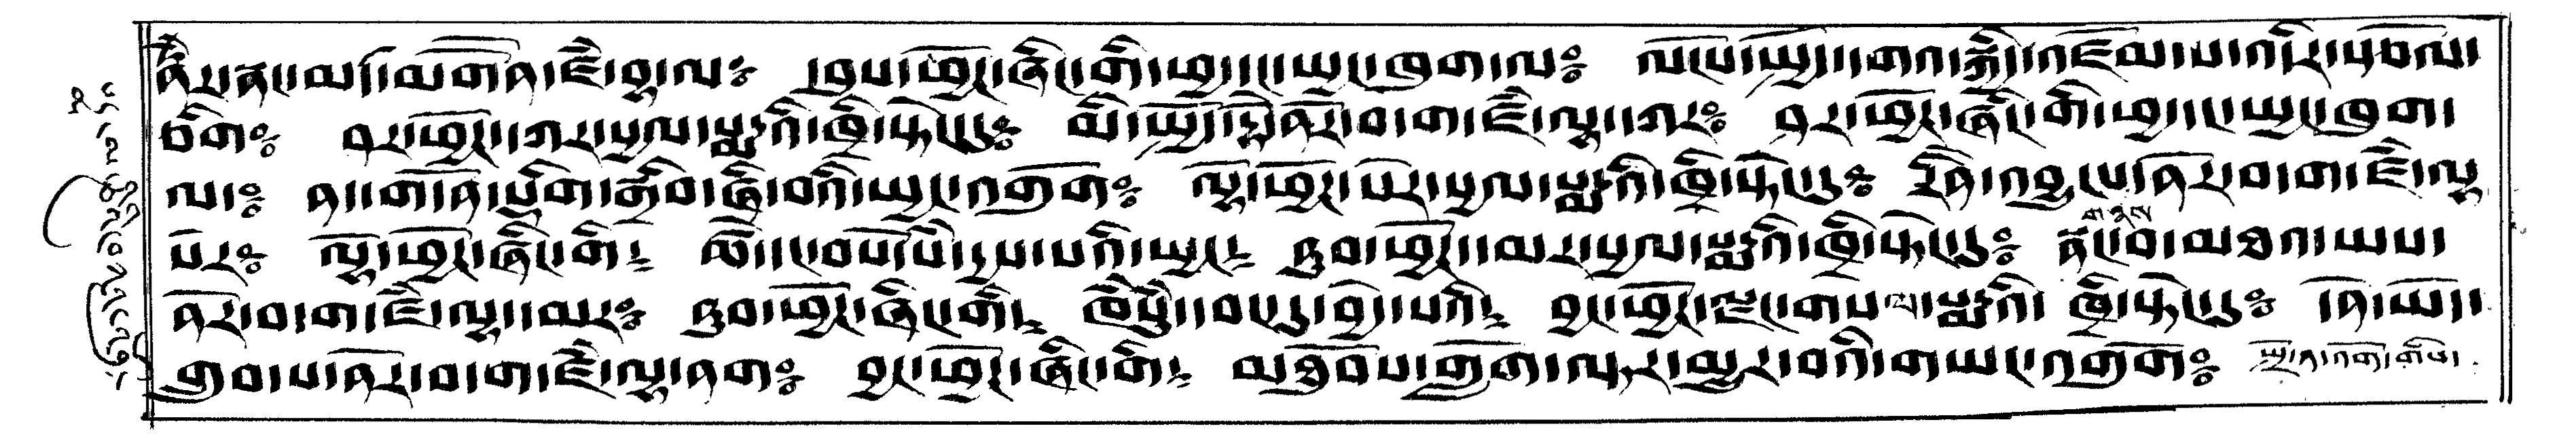རྣམ་པར་སྣང་མཛད་མགོན་པོ་ཛམ་བྷ་ལ༔ དབུས་ཕྱོགས་ཞིང་གི་ཕྱྭ་དང་གཡང་ཁུག་ལ༔ ལོངས་སྤྱོད་དགའ་སྐྱིད་འཛོམ་པ་འདིར་སྩོལ་
ཅིག༔ ཤར་ཕྱོགས་དཀར་གསལ་པདྨའི་ཁྲིའི་སྟེང་དུ༔ མི་སྐྱོད་རྡོ་རྗེ་ནོར་བདག་ཛམ་ལ་དཀར༔ ཤར་ཕྱོགས་ཞིང་གི་ཕྱྭ་དང་གཡང་ཁུག་
ལ༔ ན་གདོན་སྡིག་སྒྲིབ་ཞི་བའི་གཡང་འགུག་གོ༔ ལྷོ་ཕྱོགས་སེར་གསལ་པདྨའི་ཁྲིའི་སྟེང་དུ༔ རིན་ཆེན་འབྱུང་གནས་ནོར་བདག་ཛམ་ལ་
སེར༔ ལྷོ་ཕྱོགས་ཞིང་གི༴ ཚེ་དང་བསོད་ནམས་རྒྱས་པའི་གཡང༴ ནུབ་ཕྱོགས་དམར་གསལ་པདྨའི་ཁྲིའི་སྟེང་དུ༔ སྣང་བ་མཐའ་ཡས་
ནོར་བདག་ཛམ་ལ་དམར༔ ནུབ་ཕྱོགས་ཞིང་གི༴ ཁམས་གསུམ་དབང་དུ་བྱེད་པའི༴ བྱང་ཕྱོགས་ལྗང་གསལ་པདྨའི་ཁྲིའི་སྟེང་དུ༔ དོན་ཡོད་
གྲུབ་པ་ནོར་བདག་ཛམ་ལ་ནས༔ བྱང་ཕྱོགས་ཞིང་གི༴ མཐུ་སྟོབས་གློག་ལྟར་མྱུར་བའི་གཡང་འགུག་གོ༔ སྤྲོ་ན་འོག་གིས་